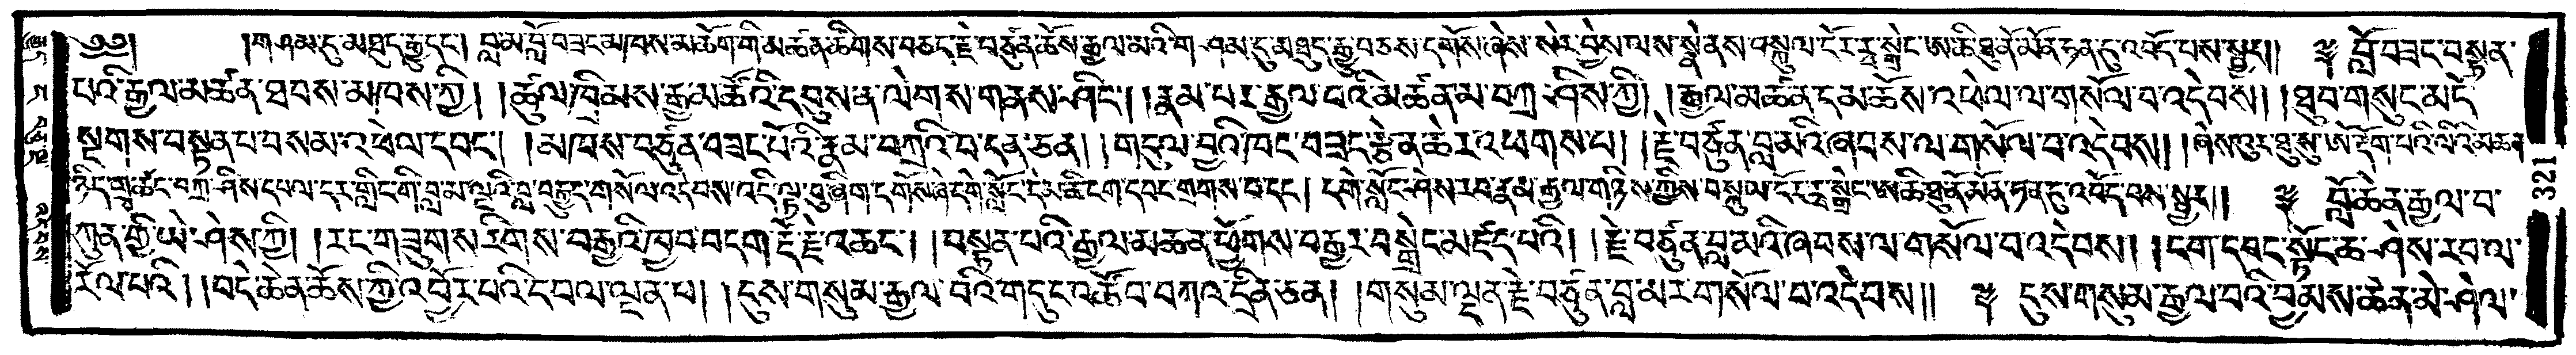༄༅། །གཤམ་དུ་མཐུད་རྒྱུ་དང་། བླ་མ་བློ་བཟང་མཁས་མཆོག་གི་མཚན་ཚིགས་བཅད་རྗེ་བཙུན་ཆོས་རྒྱལ་མའི་གཤམ་དུ་མཐུད་རྒྱུ་བཅས་དགོས་ཞེས་སེར་བྱེས་ལས་སྣེ་ནས་བསྐུལ་ངོར་རྭ་སྒྲེང་ཨ་ཆི་ཐུ་ནོ་མོན་ཧན་དུ་འབོད་པས་སྦྱར།། ༈ བློ་བཟང་བསྟན་
པའི་རྒྱལ་མཚན་ཐབས་མཁས་ཀྱི། །ཚུལ་ཁྲིམས་རྒྱ་མཚོའི་དབུས་ན་ལེགས་གནས་ཤིང་། །རྣམ་པར་རྒྱལ་བའི་མཚན་མ་བཀྲ་ཤིས་ཀྱི། །རྒྱལ་མཚན་དམ་ཆོས་འཕེལ་ལ་གསོལ་བ་འདེབས། །ཐུབ་གསུང་མདོ་
སྔགས་བསྟན་པ་བསམ་འཕེལ་དབང་། །མཁས་བཙུན་བཟང་པོའི་རྣམ་བཀྲའི་བ་དན་ཅན། །གདུལ་བྱའི་ཁང་བཟད་རྩེ་ན་ཆེར་འཕགས་པ། །རྗེ་བཙུན་བླ་མའི་ཞབས་ལ་གསོལ་བ་འདེབས། །ཞེས་འུར་ཐུ་སུ་ཨོ་རྡོག་པའི་ལིའི་མཆན་
ཉིད་གྲྭ་ཚང་བཀྲ་ཤིས་དཔལ་དར་གླིང་གི་བླ་མ་ལྔའི་བླ་བརྒྱུད་གསོལ་འདེབས་འདི་ལྟ་བུ་ཞིག་དགོས་ཞེ་དགེ་སློང་དེ་མཆི་ངག་དབང་གྲགས་པ་དང་། དགེ་སློང་ཤེས་རབ་རྣམ་རྒྱལ་གཉིས་ཀྱིས་བསྐུལ་ངོར་རྭ་སྒྲེང་ཨ་ཆི་ཐུ་ནོ་མོན་ཧན་དུ་འབོད་པས་སྦྱར།། ༈ བློ་ཆེན་རྒྱལ་བ་
ཀུན་གྱི་ཡེ་ཤེས་ཀྱི། །རང་གཟུགས་རིགས་བརྒྱའི་ཁྱབ་བདག་རྡོ་རྗེ་འཆང་། །བསྟན་པའི་རྒྱལ་མཚན་ཕྱོགས་བརྒྱར་བསྒྲེང་མཛད་པའི། །རྗེ་བཙུན་བླ་མའི་ཞབས་ལ་གསོལ་བ་འདེབས། །ངག་དབང་སྟོང་ཆ་ཤེས་རབ་ལ་
རོལ་བའི། །བདེ་ཆེན་ཆོས་ཀྱི་འབྱོར་པའི་དཔལ་ལྡན་པ། །དུས་གསུམ་རྒྱལ་བའི་གདུང་འཚོ་བ་བཀའ་དྲིན་ཅན། །གསུམ་ལྡན་རྗེ་བཙུན་བླ་མར་གསོལ་བ་འདེབས།། ༈ དུས་གསུམ་རྒྱལ་བའི་བྱམས་ཆེན་མེ་ཤེལ་